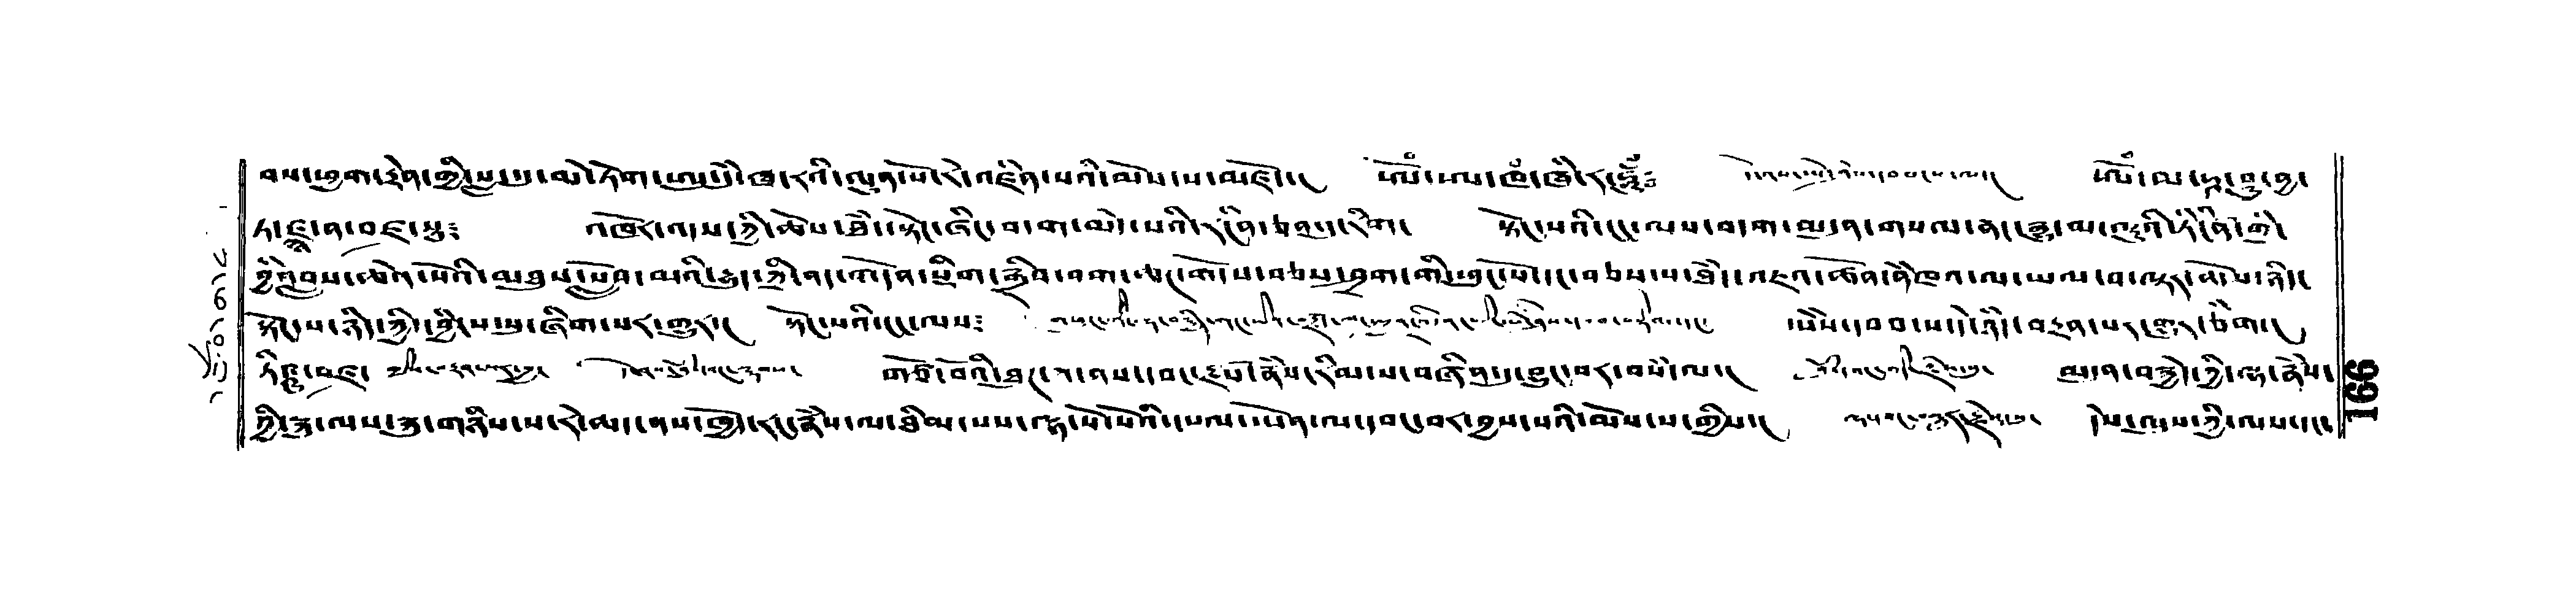བས་ཕྱག་རྟེན་གྱི་སླད་དུ་མེ་ཏོག་ཨུ་དུམ་ཝ་རའི་ཆུན་པོ་རེ་འཛིན་པའི་མོས་པ་མཛོད། ཨོཾ་ཨ་ཁཾ་ཝི་ར་ཧཱུྃ། དེ་ནས་ཡེ་ཤེས་དབབ་པ་ལ། ཨོཾ་མ་ཧཱ་ཤུ་ནྱ་
ཏ་ཛྙཱ་ན་བཛྲ་སྭ༴ འཁོར་འདས་ཀྱི་ཆོས་ཐམས་ཅད་སྟོང་ཞིང་བདག་མེད་པའི་རང་བཞིན་ཅན་དུ་རིག སྟོང་པའི་ངང་ལས་བདག་མདུན་གསལ་སྣང་སྒྱུ་མ་ལྟ་བུའི་ཏིང་འཛིན་གྱི་
བྱིན་རླབས་ཆེན་པོའི་མཐུས་སློབ་མའི་རྒྱུད་ཀྱི་ནད་གདོན་སྡིག་སྒྲིབ་བག་ཆགས་གདོས་བཅས་ཤ་ཁྲག་གི་ཕུང་པོ་དང་བཅས་པ་ཐམས་ཅད་འཇའ་ཚོན་ནམ་མཁའ་ལ་ཡལ་བ་ལྟར་ཆོས་ཉིད་
སྟོང་པ་ཉིད་ཀྱི་དབྱིངས་སུ་ཞིག་པར་གྱུར། སྟོང་པའི་ངང་ལས༴ གཞུང་གི་ལྷ་བསྐྱེད་གང་ཡིན་བརྗོད་ལ་སྤྱན་འདྲེན་པའི་ཡེ་ཤེས་དབབ་བསྟིམ་དང་། ཡེ་ཤེས་དབབ་པ་དེ་ཉིད་བརྟན་པར་གྱུར་ཅིག
ཏིཥྛ་བཛྲ་གྱིས་བརྟན་པར་བྱ། དེ་ནས་བུམ་དབང་སྐབས། གཙོ་བོའི་ཐུགས་ཀ་ནས་དབང་རྫས་རྣམས་རིམ་པ་བཞིན་དུ་བྱུང་བར་བསམ་ལ། བུམ་དབང་གི་རྗེས་སུ། མདུན་བསྐྱེད་ཀྱི་ལྷ་རྣམས་
ཀྱི་སྐུ་ལས་སྐུ་གཉིས་པ་རེ་ཆད་ནས་ཁྱོད་རང་རྣམས་ལ་ཐིམ་པས་ལྷ་སོ་སོའི་དཔལ་ཡོན་ལ་དབང་བར་བྱས་པའི་མོས་པ་གྱིས། ལྷ་དབང་བསྐུར་རྗེས་སུ། དེས་ལུས་ཀྱི་ལས་དང་